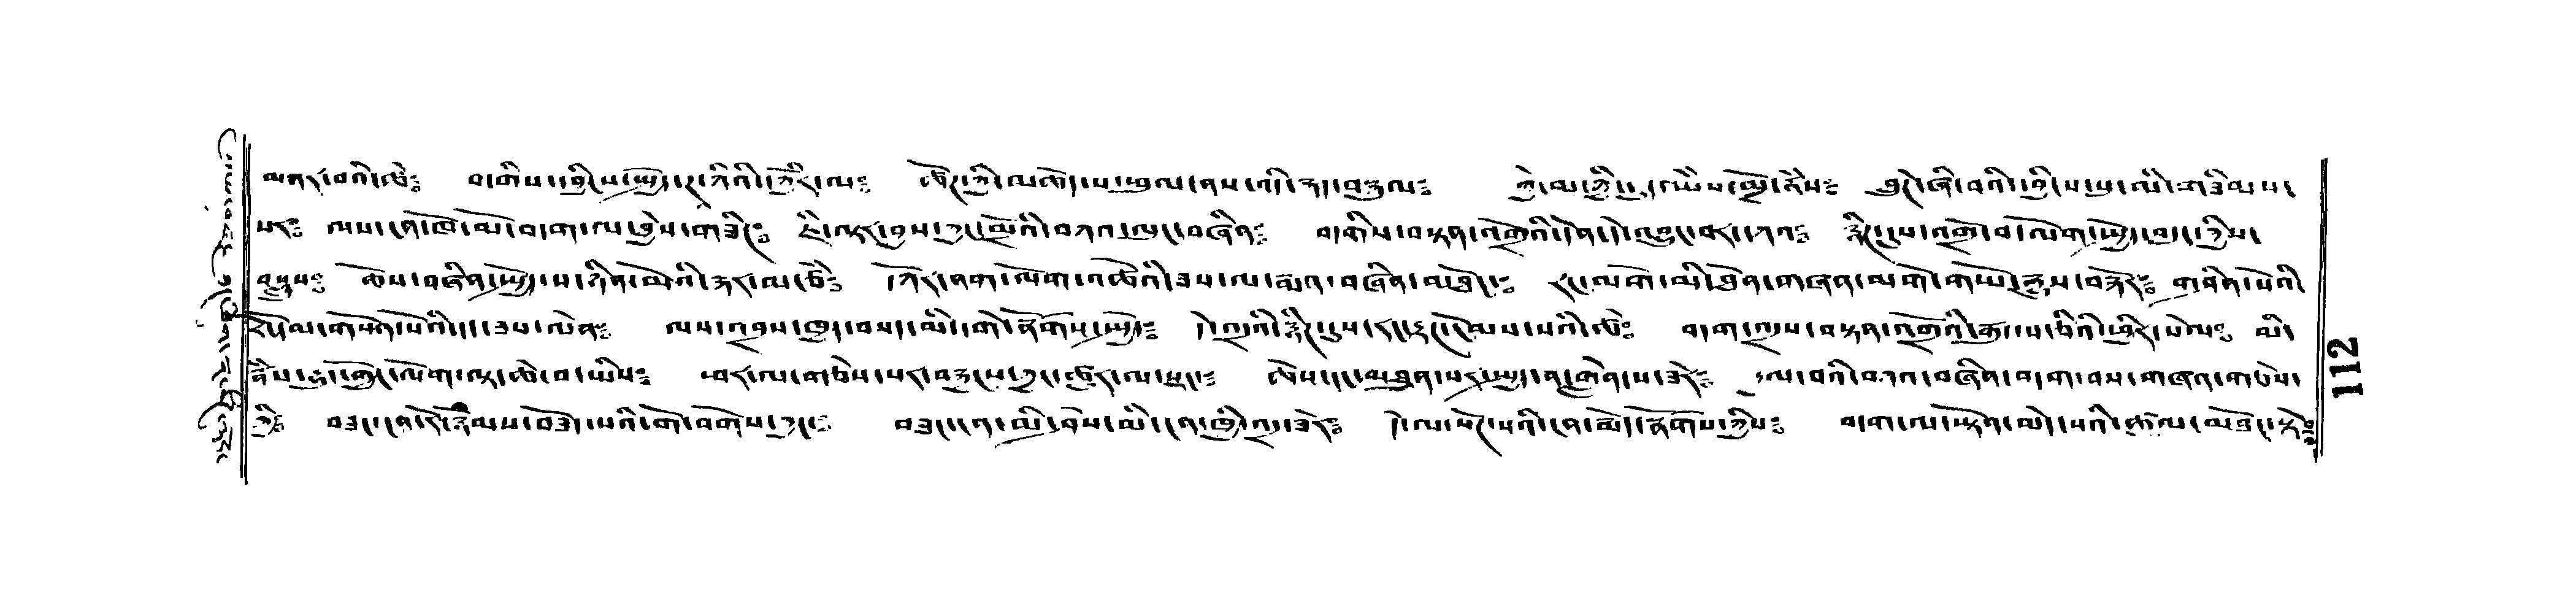མནར་བའི་ཚེ༔ བདག་གིས་དབྱིངས་སྤྱོད་ཌཱ་ཀིའི་དཀྱིལ་འཁོར་ལ༔ ཚོགས་ཀྱི་མཆོད་པ་ཕུལ་ནས་འདི་སྐད་བསྐུལ༔ ཀྱེ་མ་ཀྱི་ཧུད་ཡེ་ཤེས་མཁའ་འགྲོ་རྣམས༔ ཐུགས་རྗེ་ཞི་བའི་དབྱིངས་སུ་མི་གཟིམས་
པར༔ ལས་ངན་ཁོ་མོ་བདག་ལ་ཐུགས་རྗེས་གཟིགས༔ ཇི་ལྟར་བྱས་ཀྱང་མཁའ་འགྲོའི་བཀའ་ལུང་བཞིན༔ བདག་གིས་བསྟན་འགྲོའི་དོན་དེ་འབྱུང་བར་དཀའ༔ སྙིགས་དུས་འགྲོ་བ་ལོག་སྤྱོད་བདུད་ཀྱིས་
བསླུས༔ ཆོས་བཞིན་སྤྱོད་པ་ཉིན་མོའི་སྐར་མ་ཙམ༔ དཀོར་ནག་ལོག་འཚོའི་ཟས་ལ་སྨན་བཞིན་མཐོང༔ རང་མགོ་མི་ཐོན་གཞན་མགོ་གཡོ་སྒྱུས་བསྐོར༔ གཤིན་པོའི་
རོ་དོམ་གསོན་པོའི་དད་ཟས་ལེན༔ ལས་འབྲས་ཁྱད་གསིད་མིད་གེ་སྣ་ཚོགས་སྤྱོད༔ དེ་འདྲའི་སྙིགས་དུས་རང་རྟགས་ངོམས་པའི་ཚེ༔ བདག་འདྲས་བསྟན་འགྲོའི་རྒུད་པ་ཅིའི་ཕྱིར་སེལ༔ མི་
རྣམས་རྒྱུད་གྱོང་ལོག་ལྟ་ཆེ་བ་ཡིས༔ ཕར་ལ་གཅེས་པར་བསྐྱངས་ཀྱང་ཚུར་ལ་སྡང༔ ཆོས་དང་མཐུན་པར་སྤྱད་ན་གླེན་པ་ཟེར༔ རྒྱལ་བའི་བཀའ་བཞིན་བདག་བས་གཞན་གཅེས་
ཀྱི༔ བཟང་ངན་རོ་སྙོམས་བཟོད་པའི་གོ་བགོས་ཀྱང༔ བཟང་ངན་མི་ཤེས་མི་ངན་ཁྱི་འདྲ་ཟེར༔ དེ་ལ་སོགས་པའི་ངན་སྨོད་སྣ་ཚོགས་ཀྱིས༔ བདག་ལ་ཡོན་ཏན་མེད་པའི་ཚུལ་མཐོང་སྟེ༔